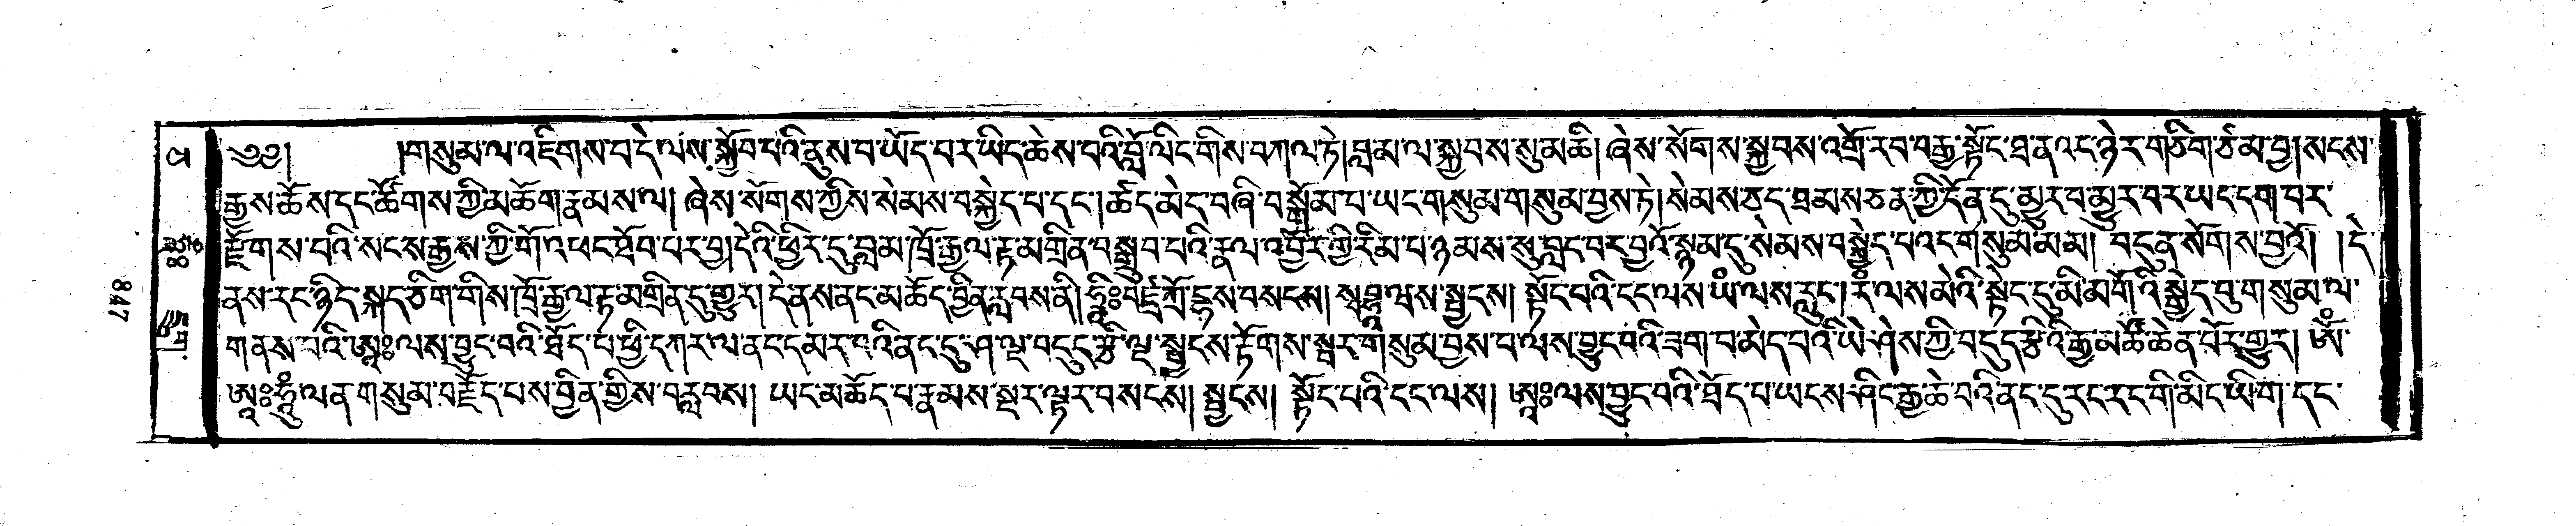༄༅། །གསུམ་ལ་འཇིགས་པ་དེ་ལས་སྐྱོབ་པའི་ནུས་པ་ཡོད་པར་ཡིད་ཆེས་པའི་བློ་ལིང་གིས་བཀལ་ཏེ། བླ་མ་ལ་སྐྱབས་སུ་མཆི། ཞེས་སོགས་སྐྱབས་འགྲོ་རབ་བརྒྱ་སྟོང་ཐ་ནའང་ཉེར་གཅིག་ཙམ་བྱ། སངས་
རྒྱས་ཆོས་དང་ཚོགས་ཀྱི་མཆོག་རྣམས་ལ། ཞེས་སོགས་ཀྱིས་སེམས་བསྐྱེད་པ་དང་། ཚད་མེད་བཞི་བསྒོམ་པ་ཡང་གསུམ་གསུམ་བྱས་ཏེ། སེམས་ཅན་ཐམས་ཅད་ཀྱི་དོན་དུ་མྱུར་བ་མྱུར་བར་ཡང་དག་པར་
རྫོགས་པའི་སངས་རྒྱས་ཀྱི་གོ་འཕང་ཐོབ་པར་བྱ། དེའི་ཕྱིར་དུ་བླ་མ་ཁྲོ་རྒྱལ་རྟ་མགྲིན་བསྒྲུབ་པའི་རྣལ་འབྱོར་གྱི་རིམ་པ་ཉམས་སུ་བླང་བར་བྱའོ་སྙམ་དུ་སེམས་བསྐྱེད་པའང་གསུམ་མམ། བདུན་སོགས་བྱའོ། །དེ་
ནས་རང་ཉིད་སྐད་ཅིག་གིས་ཁྲོ་རྒྱལ་རྟ་མགྲིན་དུ་གྱུར། དེ་ནས་ནང་མཆོད་བྱིན་རླབས་ནི། ཧྲཱིཿ བཛྲ་ཀྲོ་དྷས་བསངས། སྭ་བྷཱ་ཝས་སྦྱངས། སྟོང་པའི་ངང་ལས་ཡཾ་ལས་རླུང་། རཾ་ལས་མེའི་སྟེང་དུ་མི་མགོའི་སྒྱེད་བུ་གསུམ་ལ་
གནས་པའི་ཨཱཿ ལས་བྱུང་བའི་ཐོད་པ་ཕྱི་དཀར་ལ་ནང་དམར་བའི་ནང་དུ་ཤ་ལྔ་བདུད་རྩི་ལྔ་སྦྱངས་རྟོགས་སྦར་གསུམ་བྱས་པ་ལས་བྱུང་བའི་ཟག་པ་མེད་པའི་ཡེ་ཤེས་ཀྱི་བདུད་རྩིའི་རྒྱ་མཚོ་ཆེན་པོར་གྱུར། ཨོཾ་
ཨཱཿ ཧཱུཾ་ལན་གསུམ་བརྗོད་པས་བྱིན་གྱིས་བརླབས། ཡང་མཆོད་པ་རྣམས་སྔར་ལྟར་བསངས། སྦྱངས། སྟོང་པའི་ངང་ལས། ཨཱཿ ལས་བྱུང་བའི་ཐོད་པ་ཡངས་ཤིང་རྒྱ་ཆེ་བའི་ནང་དུ་རང་རང་གི་མིང་ཡིག་དང་